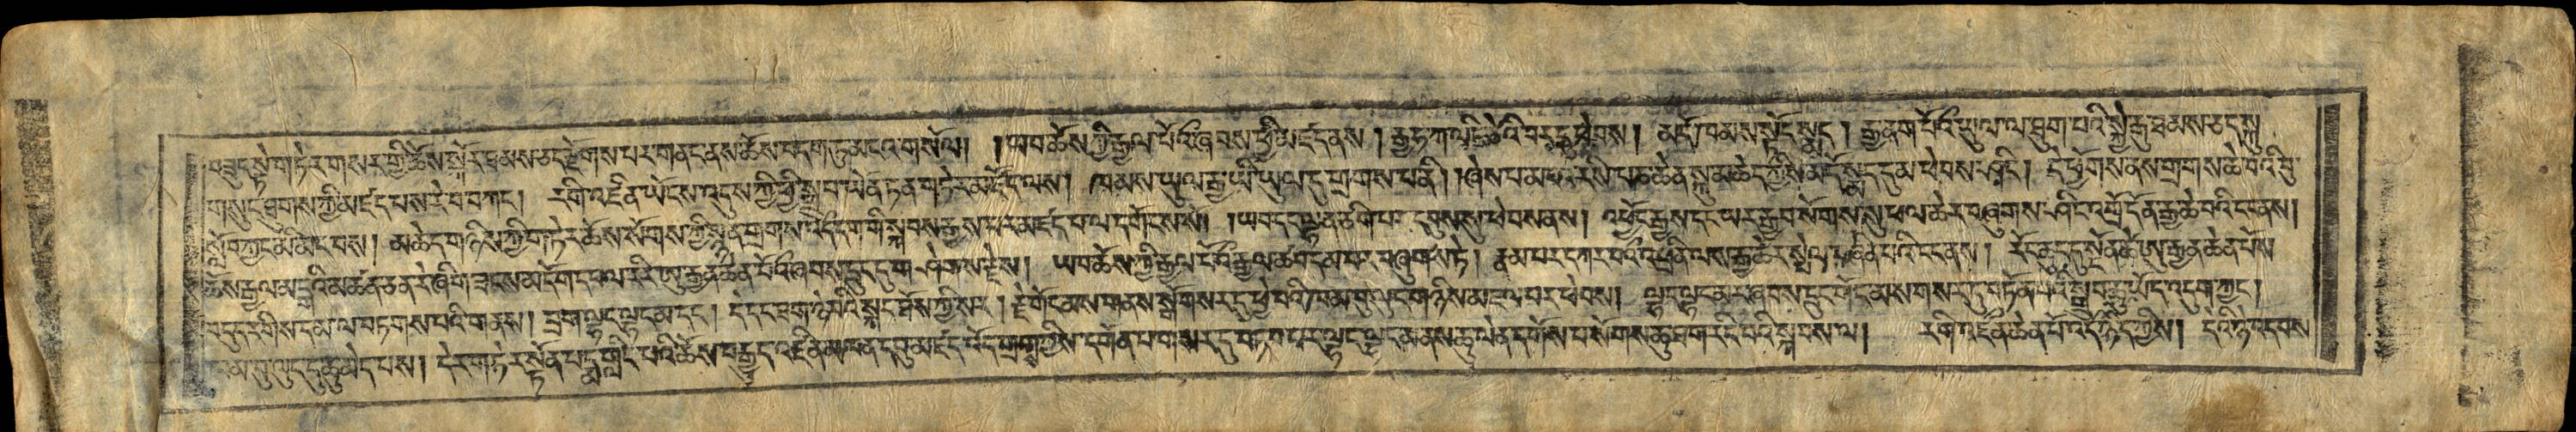བཟུང་སྟེ་གཏེར་གསར་གྱི་ཆོས་སྐོར་ཐམས་ཅད་རྫོགས་པར་གནང་ནས་ཆོས་བདག་ཏུ་མངའ་གསོལ། །ཡབ་ཆོས་ཀྱི་རྒྱལ་པོཨཱྀ་ཞབས་ཕྱི་མཛད་ནས། །རྒྱ་ཧ་ཀ་ལིང་ཙེའི་བར་དུ་ཕེབས། མདོ་ཁམས་སྟོད་སྨད། རྒྱ་ནག་པོཨཱྀ་ཡུལ་ལ་ཐུག་བའི་སྐྱེ་རྒན་ཐམས་ཅད་སྐུ་
གསུང་ཐུགས་ཀྱི་མཛད་པས་རེ་བ་བཀང་། རིག་འཛིན་ཡོངས་འདུས་ཀྱི་ཕྱི་སྒྲུབ་ཡོན་ཏན་གཏེར་མཛོད་ལས། ཁམས་ཡུལ་རྒྱ་ཡི་ཡུལ་དུ་གྲགས་པ་ནི། །ཞེས་པ་མངའ་རིས་པཎ་ཆེན་སྐུ་མཆེད་ཀྱིས་མདོ་སྨད་དུམ་ཕེབས་ཤིང་། དེ་ཕྱོགས་ནས་གྲགས་ཆེ་བའི་བུ་
སློབ་ཀྱང་མི་མང་བས། མཆེད་གཉིས་ཀྱི་གཏེར་ཆོས་སོགས་ཀྱི་སྙན་གྲགས་འདྀ་དག་གི་སྐབས་རྒྱས་པར་མཛད་པ་ལ་དགོངས་སོ། །ཡབ་དང་ལྷན་ཅིག་པར་དབུས་སུ་ཕེབས་ནས། འཕྱོང་རྒྱས་དང་ཡར་རྒྱབ་སོགས་སུ་ཕལ་ཆེར་བཞུགས་ཤིང་འགྲོ་དོན་རྒྱ་ཆེ་བའི་ངང་ནས།
ཆོས་རྒྱལ་མངྒའི་མཚན་ཅན་རེ་ཞིག་ཟངས་མདོག་དཔལ་རིར་ཨུ་རྒྱན་ཆེན་བོཨཱྀ་ཞབས་དྲུང་དུ་གཤེགས་རྗེས། ཡབ་ཆོས་ཀྱི་རྒྱལ་བོཨཱྀ་རྒྱལ་ཚབ་དམ་པར་བཞུགས་ཏེ། རྣམ་པར་དཀར་བཱྀ་འཕྲིན་ལས་རྒྱ་ཆེར་སྤེལ་བཞིན་པའི་ངང་ནས། རོང་ཆུང་དུ་སྔོན་ཚེ་ཨུ་རྒྱན་ཆེན་པོས་
བདུད་རིགས་དམ་ལ་བཏགས་པའི་གནས། བྲག་ལྷང་ལྷང་མ་དང་། དེ་དང་ཐག་ཉེ་བའི་སྐད་ཐོས་ཀྱི་སར། རྗེ་གོང་མས་གནས་སྐོ་གསར་དུ་ཕྱེ་བའི་ཁམ་བུ་ལུང་གཉིས་མཇལ་པར་ཕེབས། ལྷང་ལྷང་མར་ཞབས་དྲུང་གོང་མས་གསར་དུ་བཏོན་པའི་སྒྲུབ་ཆུ་ཡོད་འདུག་ཀྱང་།
ངམ་བུ་ལུང་དུ་ཆུ་མེད་པས། དེར་གཏེར་སྟོན་པདམ་གླིང་པའི་ཆོས་བརྒྱུད་འཛིན་མཁན་དབུ་མཛད་འོད་གྲགས་ཀྱིས་དགོན་པ་གསར་དུ་བཏབ་པར་ལྷང་ལྷང་མ་ནས་ཆུ་ལེན་དགོས་བ་སོགས་ཆུ་ཐག་རིང་བའི་སྐབས་ལ། རིག་འཛིན་ཆེན་པོ་འདི་ཉིད་ཀྱིས། དེའི་ཉེ་འདབས་